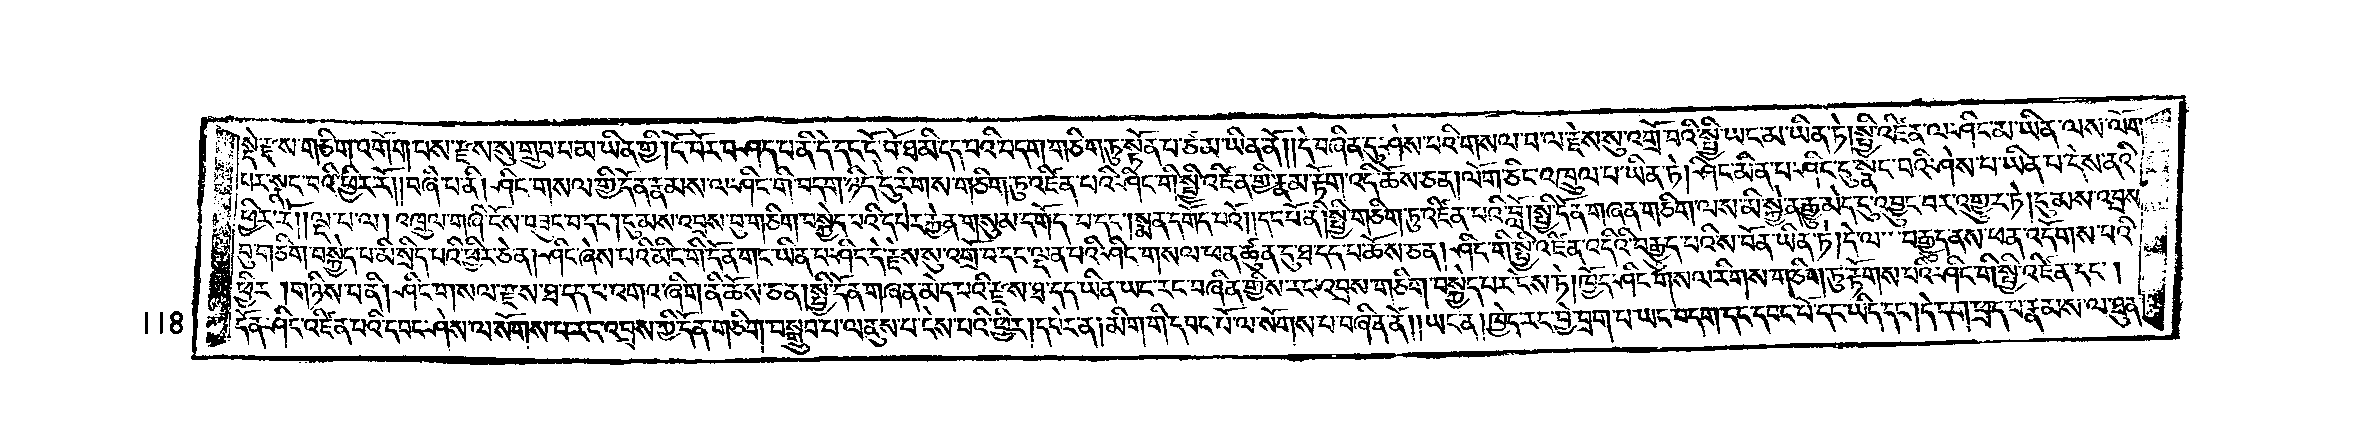སྡེ་རྫས་གཅིག་འགོག་པས་རྫས་སུ་གྲུབ་པ་མ་ཡིན་གྱི། ངོ་བོར་བཤད་པ་ནི་དེ་དང་ངོ་བོ་ཐ་མི་དད་པའི་བདག་གཅིག་ཏུ་སྟོན་པ་ཙམ་ཡིན་ནོ། །དེ་བཞིན་དུ་ཤེས་པའི་གསལ་བ་ལ་རྗེས་སུ་འགྲོ་བའི་སྤྱི་ཡང་མ་ཡིན་ཏེ། སྤྱི་འཛིན་ལ་ཤིང་མ་ཡིན་ལས་ལོག་
པར་སྣང་བའི་ཕྱིར་རོ། །བཞི་པ་ནི། ཤིང་གསལ་གྱི་དོན་རྣམས་ལ་ཤིང་གི་བདག་ཉིད་དུ་རིགས་གཅིག་ཏུ་འཛིན་པའི་ཤིང་གི་སྤྱི་འཛིན་གྱི་རྣམ་རྟོག་འདི་ཆོས་ཅན། ལོག་ཅིང་འཁྲུལ་པ་ཡིན་ཏེ། ཤིང་མིན་པ་ཤིང་དུ་སྣང་བའི་ཤེས་པ་ཡིན་པ་དེས་ནའི་
ཕྱིར་རོ། །ལྔ་པ་ལ། འཁྲུལ་གཞི་ངོས་བཟུང་བ་དང་། དུ་མས་འབྲས་བུ་གཅིག་བསྐྱེད་པའི་དཔེར་རྐྱེན་གསུམ་དགོད་པ་དང་། སྨན་དགོད་པའོ། །དང་པོ་ནི། སྤྱི་གཅིག་ཏུ་འཛིན་པའི་བློ། སྤྱི་དོན་གཞན་གཅིག་ལས་མི་སྐྱེ་ན་རྒྱུ་མེད་དུ་འབྱུང་བར་འགྱུར་ཏེ། དུ་མས་འབྲས་
བུ་གཅིག་བསྐྱེད་པ་མི་སྲིད་པའི་ཕྱིར་ཅེ་ན། ཤིང་ཞེས་པའི་མིང་གི་དོན་གང་ཡིན་པ་ཤིང་དེ་རྗེས་སུ་འགྲོ་བ་དང་ལྡན་པའི་ཤིང་གསལ་ཕན་ཚུན་དུ་ཐ་དད་པ་ཆོས་ཅན། ཤིང་གི་སྤྱི་འཛིན་འདིའི་བརྒྱུད་པའི་ས་བོན་ཡིན་ཏེ། དེ་ལ་བརྒྱུད་ནས་ཕན་འདོགས་པའི་
ཕྱིར། གཉིས་པ་ནི། ཤིང་གསལ་རྫས་ཐ་དད་པ་འགའ་ཞིག་ནི་ཆོས་ཅན། སྤྱི་དོན་གཞན་མེད་པའི་རྫས་ཐ་དད་ཡིན་ཡང་རང་བཞིན་གྱིས་རང་འབྲས་གཅིག་བསྐྱེད་པར་ངེས་ཏེ། ཁྱོད་ཤིང་གསལ་རིགས་གཅིག་ཏུ་རྟོགས་པའི་ཤིང་གི་སྤྱི་འཛིན་དང་།
དོན་ཤིང་འཛིན་པའི་དབང་ཤེས་ལ་སོགས་པ་རང་འབྲས་ཀྱི་དོན་གཅིག་བསྒྲུབ་པ་ལ་ནུས་པ་ངེས་པའི་ཕྱིར། དཔེར་ན། མིག་གི་དབང་པོ་ལ་སོགས་པ་བཞིན་ནོ། །ཡང་ན། ཁྱེད་རང་བྱེ་བྲག་པ་ཡང་བདག་དང་དབང་པོ་དང་ཡིད་དང་། དེ་དག་ཕྲད་པ་རྣམས་ལ་ཐུན་